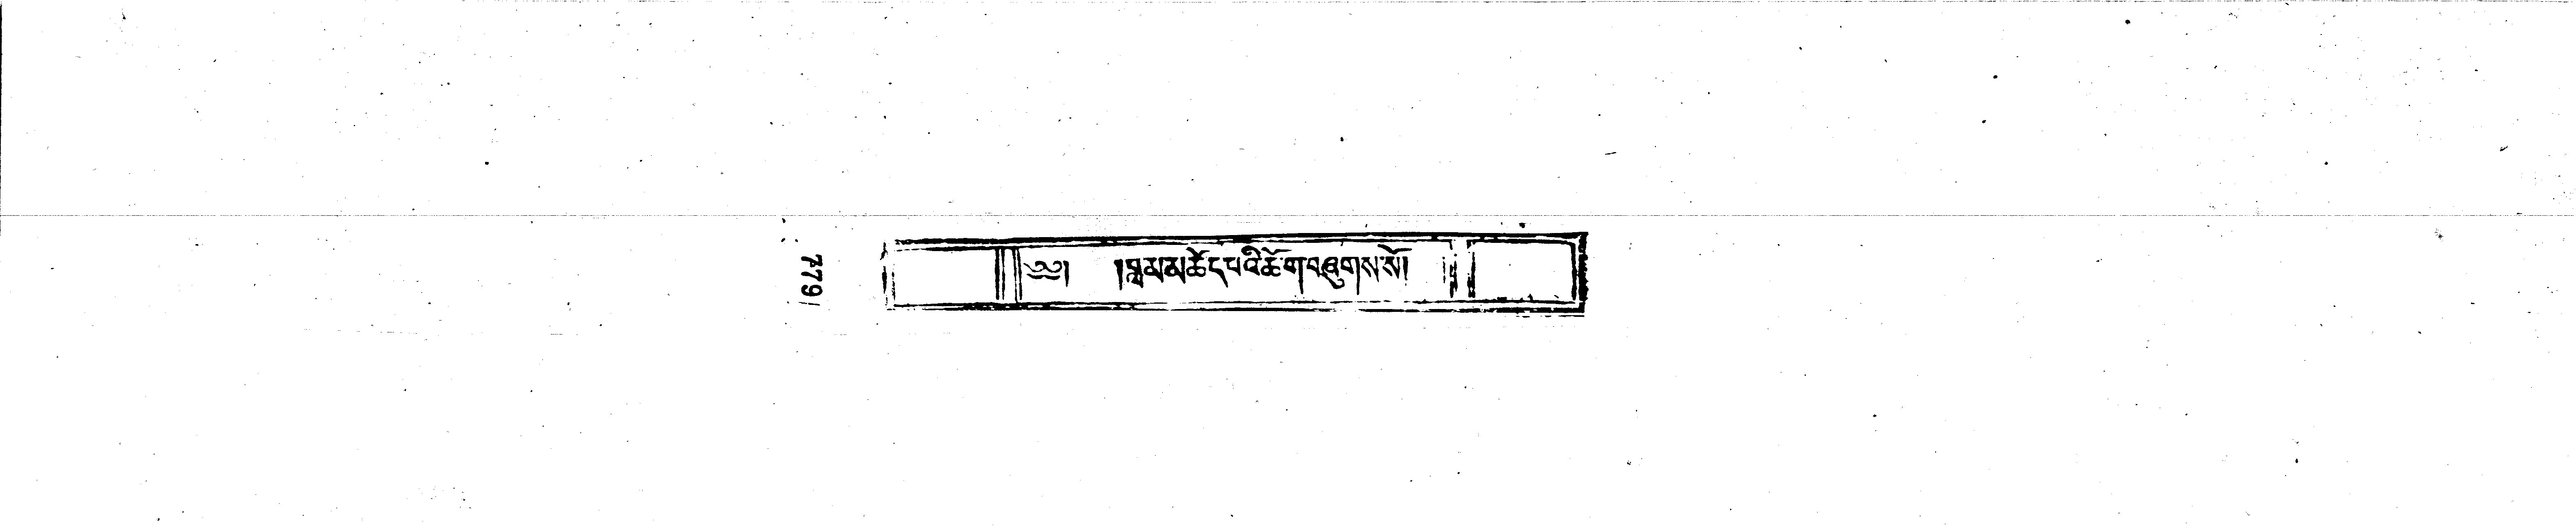༄༅། །བླ་མ་མཆོད་པའི་ཆོ་ག་བཞུགས་སོ།